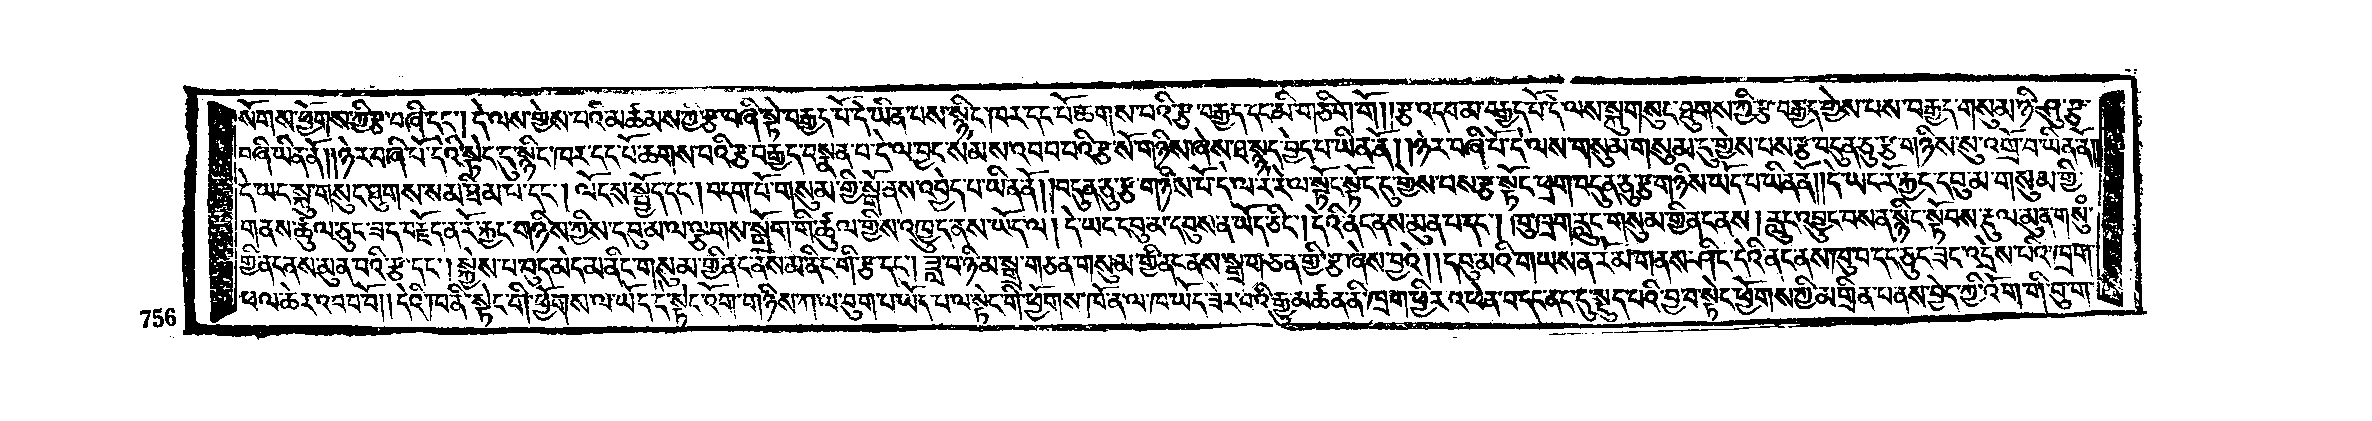སོགས་ཕྱོགས་ཀྱི་རྩ་བཞི་དང་། དེ་ལས་གྱིས་པའི་མཚམས་ཀྱི་རྩ་བཞི་སྟེ་བརྒྱད་པོ་དེ་ཡིན་པས་སྙིང་ཁར་དང་པོ་ཆགས་པའི་རྩ་བརྒྱད་དང་མི་གཅིག་གོ། །རྩ་འདབ་མ་བརྒྱད་པོ་དེ་ལས་སྐུ་གསུང་ཐུགས་ཀྱི་རྩ་བརྒྱད་གྱིས་པས་བརྒྱད་གསུམ་ཉི་ཤུ་རྩ་
བཞི་ཡིན་ནོ། །ཉེར་བཞི་པོ་དེའི་སྟེང་དུ་སྙིང་ཁར་དང་པོ་ཆགས་པའི་རྩ་བརྒྱད་བསྣན་པ་དེ་ལ་བྱང་སེམས་འབབ་པའི་རྩ་སོ་གཉིས་ཞེས་ཐ་སྙད་བྱེད་པ་ཡིན་ནོ། །ཉེར་བཞི་པོ་དེ་ལས་གསུམ་གསུམ་དུ་གྱིས་པས་རྩ་བདུན་ཅུ་རྩ་གཉིས་སུ་འགྲོ་བ་ཡིན་ནོ། །
དེ་ཡང་སྐུ་གསུང་ཐུགས་སམ་ཐིམ་པ་དང་། ལོངས་སྤྱོད་དང་། བདག་པོ་གསུམ་གྱི་སྒོ་ནས་འབྱེད་པ་ཡིན་ནོ། །བདུན་ཅུ་རྩ་གཉིས་པོ་དེ་ལ་རེ་རེ་ལ་སྟོང་སྟོང་དུ་གྱིས་པས་རྩ་སྟོང་ཕྲག་བདུན་ཅུ་རྩ་གཉིས་ཡོད་པ་ཡིན་ནོ། །དེ་ཡང་རོ་རྐྱང་དབུ་མ་གསུམ་གྱི་
གནས་ཚུལ་ཅུང་ཟད་བརྗོད་ན་རོ་རྐྱང་གཉིས་ཀྱིས་དབུ་མ་ལ་ལྕགས་སྒྲོག་གི་ཚུལ་གྱིས་འཁྱུད་ནས་ཡོད་ལ། དེ་ཡང་དབུ་མ་དབུས་ན་ཡོད་ཅིང་། དེའི་ནང་ནས་མུན་པ་དང་། ཁུ་ཁྲག་རླུང་གསུམ་གྱི་ནང་ནས། རླུང་འབྱུང་བས་ན་སྙིང་སྟོབས་རྡུལ་མུན་གསུམ་
གྱི་ནང་ནས་མུན་པའི་རྩ་དང་། སྐྱེས་པ་བུད་མེད་མ་ནིང་གསུམ་གྱི་ནང་ནས་མ་ནིང་གི་རྩ་དང་། ཟླ་བ་ཉི་མ་སྒྲ་གཅན་གསུམ་གྱི་ནང་ནས་སྒྲ་གཅན་གྱི་རྩ་ཞེས་བྱའོ། །དབུ་མའི་གཡས་ན་རོ་མ་གནས་ཤིང་དེའི་ནང་ནས་ཁུ་བ་དང་ཅུང་ཟད་འདྲེས་པའི་ཁྲག་
ཕལ་ཆེར་འབབ་བོ། །དེའི་ཁ་ནི་སྟེང་གི་ཕྱོགས་ལ་ཡོད་དེ་སྟེང་འོག་གཉིས་ཀ་ལ་བུག་པ་ཡོད་པ་ལ་སྟེང་གི་ཕྱོགས་ཁོ་ན་ལ་ཁ་ཡོད་ཟེར་བའི་རྒྱུ་མཚན་ནི་ཁྲག་ཕྱིར་འཕེན་པ་དང་ནང་དུ་སྡུད་པའི་བྱ་བ་སྟེང་ཕྱོགས་ཀྱི་མགྲིན་པ་ནས་བྱེད་ཀྱི་འོག་གི་བུ་ག་